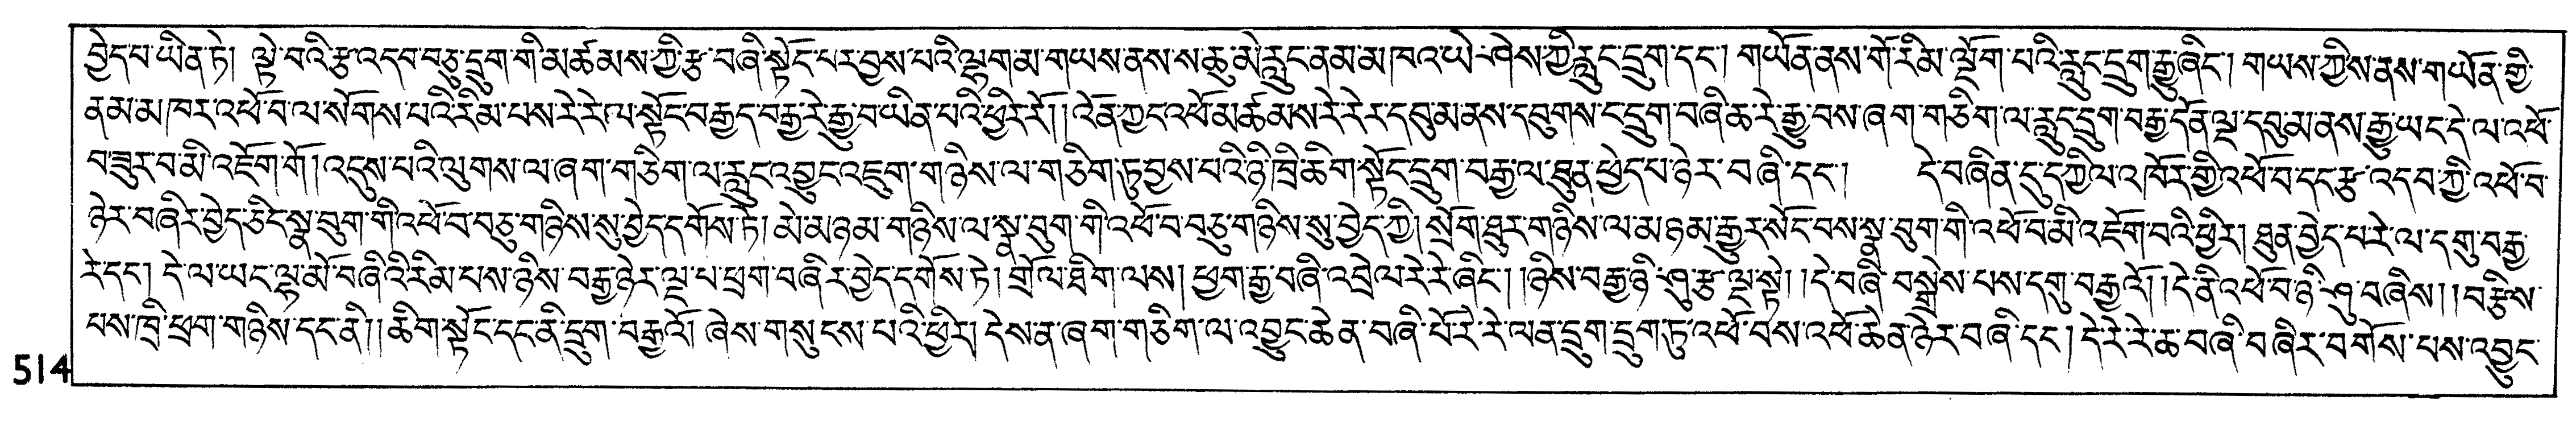བྱེད་པ་ཡིན་ཏེ། ལྟེ་བའི་རྩ་འདབ་བཅུ་དྲུག་གི་མཚམས་ཀྱི་རྩ་བཞི་སྟོང་པར་བྱས་པའི་ལྷག་མ་གཡས་ནས་ས་ཆུ་མེ་རླུང་ནམ་མཁའ་ཡེ་ཤེས་ཀྱི་རླུང་དྲུག་དང་། གཡོན་ནས་གོ་རིམ་ལྡོག་པའི་རླུང་དྲུག་རྒྱུ་ཞིང་། གཡས་ཀྱིས་ནས་གཡོན་གྱི་
ནམ་མཁར་འཕོ་བ་ལ་སོགས་པའི་རིམ་པས་རེ་རེ་ལ་སྟོང་བརྒྱད་བརྒྱ་རེ་རྒྱུ་བ་ཡིན་པའི་ཕྱིར་རོ། །འོན་ཀྱང་འཕོ་མཚམས་རེ་རེར་དབུ་མ་ནས་དབུགས་ང་དྲུག་བཞི་ཆ་རེ་རྒྱུ་བས་ཞག་གཅིག་ལ་རླུང་དྲུག་བརྒྱ་དོན་ལྔ་དབུ་མ་ནས་རྒྱུ་ཡང་དེ་ལ་འཕོ་
བ་ཟུར་བ་མི་འཇོག་གོ །འདུས་པའི་ལུགས་ལ་ཞག་གཅིག་ལ་རླུང་འབྱུང་འཇུག་གཉིས་ལ་གཅིག་ཏུ་བྱས་པའི་ཉི་ཁྲི་ཆིག་སྟོང་དྲུག་བརྒྱ་ལ་ཐུན་ཕྱེད་པ་ཉེར་བཞི་དང་། དེ་བཞིན་དུ་དཀྱིལ་འཁོར་གྱི་འཕོ་བ་དང་རྩ་འདབ་ཀྱི་འཕོ་བ་
ཉེར་བཞིར་བྱེད་ཅིང་སྣ་བུག་གི་འཕོ་བ་བཅུ་གཉིས་སུ་བྱེད་དགོས་ཏེ། མེ་མཉམ་གཉིས་ལ་སྣ་བུག་གི་འཕོ་བ་བཅུ་གཉིས་སུ་བྱེད་ཀྱི། སྲོག་ཐུར་གཉིས་ལ་མཉམ་རྒྱུར་སོང་བས་སྣ་བུག་གི་འཕོ་བ་མི་འཇོག་བའི་ཕྱིར། ཐུན་བྱེད་པ་རེ་ལ་དགུ་བརྒྱ་
རེ་དང་། དེ་ལ་ཡང་ལྷ་མོ་བཞིའི་རིམ་པས་ཉིས་བརྒྱ་ཉེར་ལྔ་པ་ཕྲག་བཞིར་བྱེད་དགོས་ཏེ། གྲོལ་ཐིག་ལས། ཕྱག་རྒྱ་བཞི་འབྲེལ་རེ་རེ་ཞིང་། །ཉིས་བརྒྱ་ཉི་ཤུ་རྩ་ལྔ་སྟེ། །དེ་བཞི་བསྒྲེས་པས་དགུ་བརྒྱའོ། །དེ་ནི་འཕོ་བ་ཉི་ཤུ་བཞིས། །བརྩིས་པས་ཁྲི་ཕྲག་གཉིས་དང་ནི། །ཆིག་སྟོང་དང་ནི་དྲུག་བརྒྱའོ། ཞེས་གསུངས་པའི་ཕྱིར། དེས་ན་ཞག་གཅིག་ལ་འབྱུང་ཆེན་བཞི་པོ་རེ་རེ་ལན་དྲུག་དྲུག་ཏུ་འཕོ་བས་འཕོ་ཆེན་ཉེར་བཞི་དང་། དེ་རེ་རེ་ཆ་བཞི་བཞིར་བགོས་པས་འབྱུང་